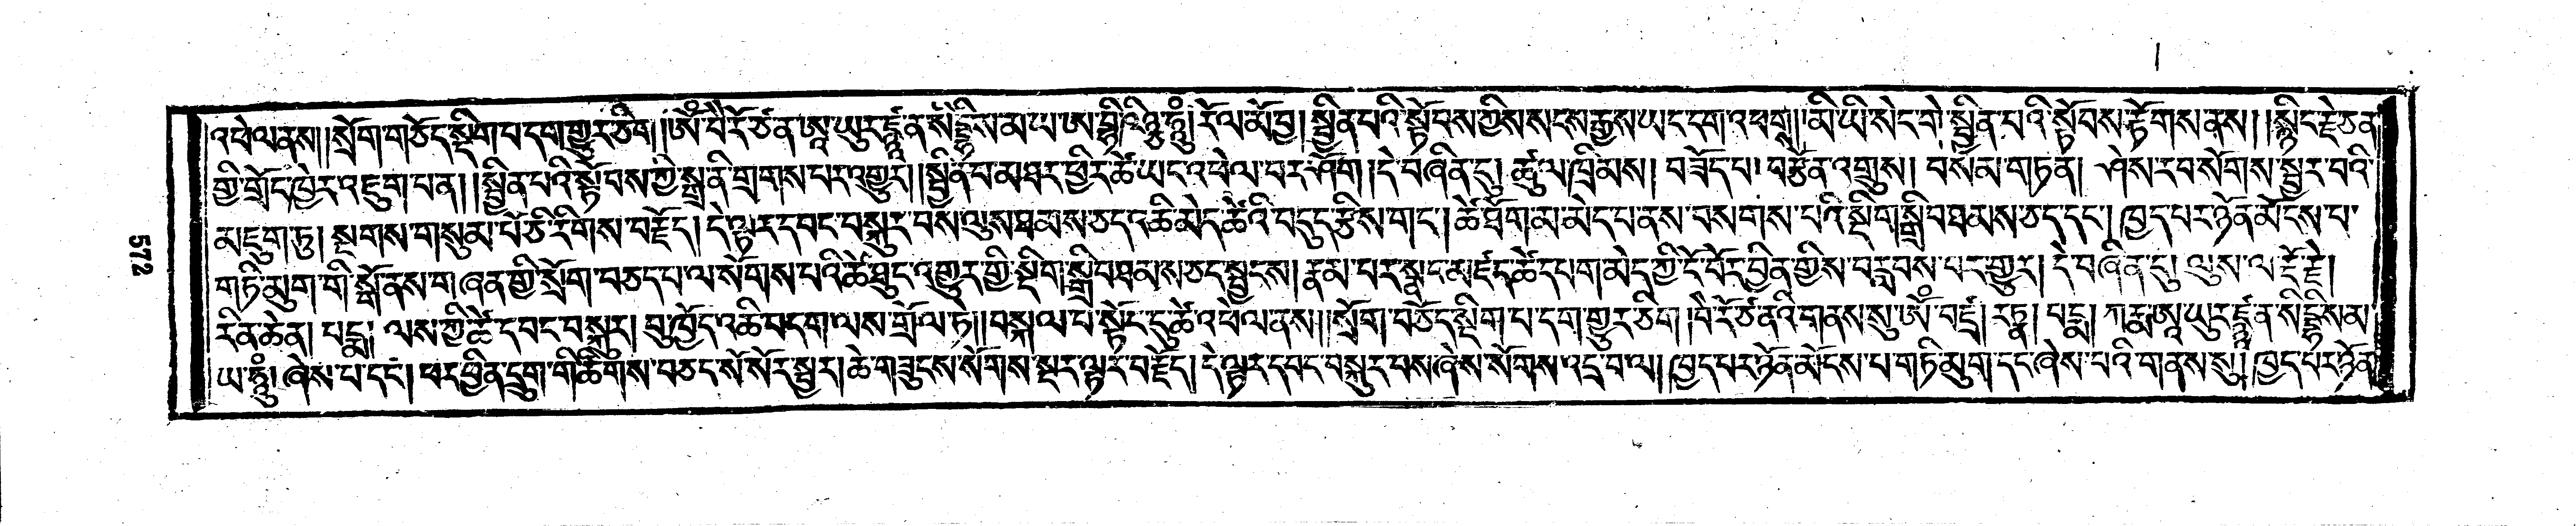འཕེལ་ནས། །སྲོག་གཅོད་སྡིག་པ་དག་གྱུར་ཅིག །ཨོཾ་བཻ་རོ་ཙ་ན་ཨཱ་ཡུར་ཛྙཱ་ན་སིདྡྷི་ས་མ་ཡ་ཨ་བྷི་ཥིཉྩ་ཧཱུཾ། རོལ་མོ་བྱ། སྦྱིན་པའི་སྟོབས་ཀྱིས་སངས་རྒྱས་ཡང་དག་འཕགས། །མི་ཡི་སེང་གེ་སྦྱིན་པའི་སྟོབས་རྟོགས་ནས། །སྙིང་རྗེ་ཅན་
གྱི་གྲོང་ཁྱེར་འཇུག་པ་ན། །སྦྱིན་པའི་སྟོབས་ཀྱི་སྒྲ་ནི་གྲགས་པར་འགྱུར། །སྦྱིན་པ་མཐར་ཕྱིར་ཚེ་ཡང་འཕེལ་བར་ཤོག །དེ་བཞིན་དུ། ཚུལ་ཁྲིམས། བཟོད་པ། བརྩོན་འགྲུས། བསམ་གཏན། ཤེས་རབ་སོགས་སྦྱར་བའི་
མཇུག་ཏུ། སྔགས་གསུམ་པོ་ཅི་རིགས་བརྗོད། དེ་ལྟར་དབང་བསྐུར་བས་ལུས་ཐམས་ཅད་འཆི་མེད་ཚེའི་བདུད་རྩིས་གང་། ཚེ་ཐོག་མ་མེད་པ་ནས་བསགས་པའི་སྡིག་སྒྲིབ་ཐམས་ཅད་དང་། ཁྱད་པར་ཉོན་མོངས་པ་
གཏི་མུག་གི་སྒོ་ནས་གཞན་གྱི་སྲོག་བཅད་པ་ལ་སོགས་པའི་ཚེ་ཐུང་འགྱུར་གྱི་སྡིག་སྒྲིབ་ཐམས་ཅད་སྦྱངས། རྣམ་པར་སྣང་མཛད་ཚེ་དཔག་མེད་ཀྱི་ངོ་བོར་བྱིན་གྱིས་བརླབས་པར་གྱུར། དེ་བཞིན་དུ། ལུས་ལ་རྡོ་རྗེ།
རིན་ཆེན། པདམ། ལས་ཀྱི་ཚེ་དབང་བསྐུར། བུ་ཁྱོད་འཆི་བདག་ལས་གྲོལ་ཏེ། །བསྐལ་པ་སྟོང་དུ་ཚེ་འཕེལ་ནས། །སྲོག་བཅོད་སྡིག་པ་དག་གྱུར་ཅིག །བཻ་རོ་ཙ་ནའི་གནས་སུ་ཨོཾ་བཛྲ། པདམ། ཀརྨཱ་ཨཱ་ཡུར་ཛྙཱ་ན་སིདྡྷི་ས་མ་
ཡ་ཧཱུཾ། ཞེས་པ་དང་། ཕར་ཕྱིན་དྲུག་གི་ཚིགས་བཅད་སོ་སོར་སྦྱར། ཚེ་གཟུངས་སོགས་སྔར་ལྟར་བརྗོད། དེ་ལྟར་དབང་བསྐུར་བས་ཞེས་སོགས་འདྲ་བ་ལ། ཁྱད་པར་ཉོན་མོངས་པ་གཏི་མུག་དང་ཞེས་པའི་གནས་སུ། ཁྱད་པར་ཉོན་